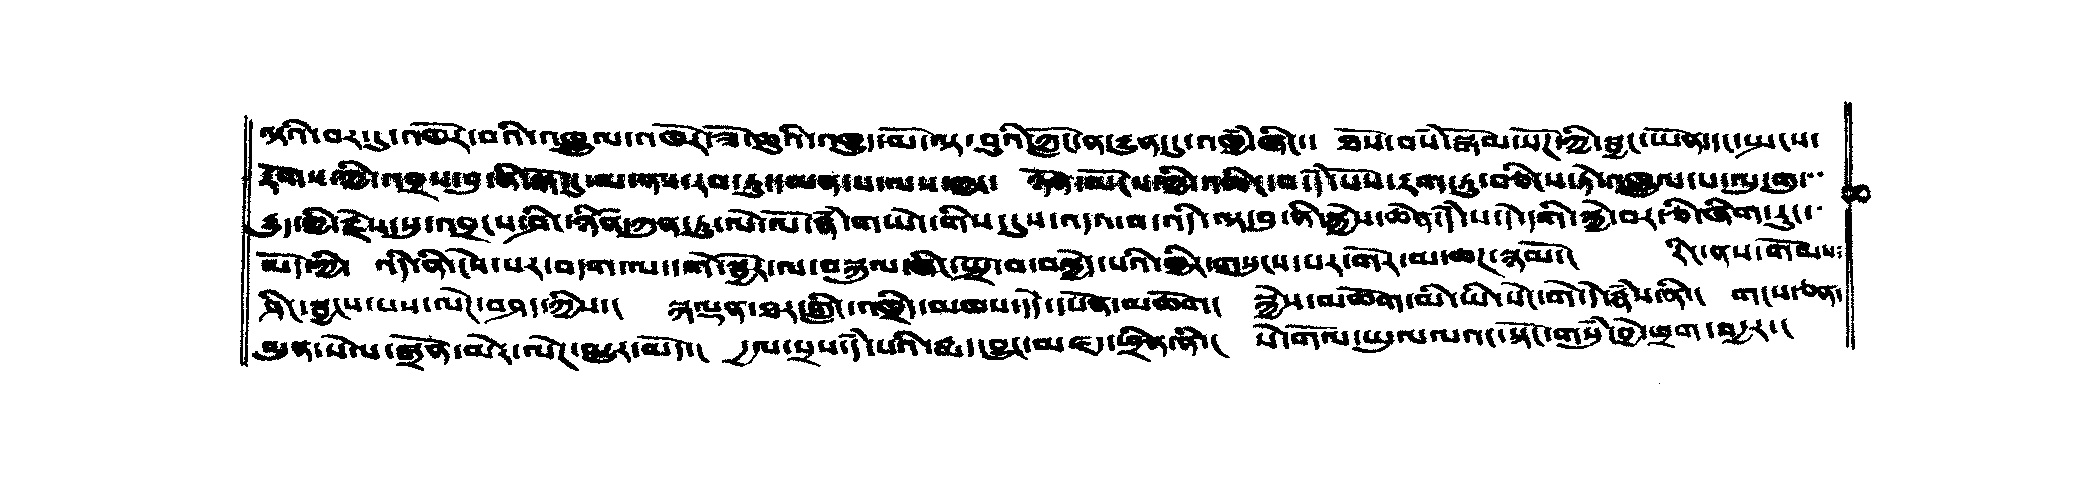ལྟའི་བར་དུ་འཁོར་བའི་འཁྲུལ་འཁོར་ཟོ་ཆུའི་འཁྱུད་མོ་ལྟ་བུའི་ཀློང་ན་རྒྱུན་དུ་འཁྱམ་ཞིང་། ཐོས་བསམ་སྒོམ་སོགས་ཀྱི་སྦྱངས་ཡོན་དང་སྤངས་
རྟོགས་ཀྱི་འབྲས་བུ་ནི་སྒོ་དུ་མ་ནས་རབ་ཏུ་དམན་པ་ལས་ཀྱང་། ཉོན་མོངས་ཀྱི་འཆིང་བ་དམ་པོས་རྟག་ཏུ་བཅིངས་ཏེ་འཁྲུལ་པ་ལུ་གུ་
རྒྱུད་ཀྱི་རྗེས་སུ་འབྲངས་ཤིང་ཉིན་མཚན་ཀུན་ཏུ་ལེ་ལོ་རྣམ་གཡེང་གིས་དུས་འདའ་བ་འདི་ལྟ་བུ་ནི་སྐྱེས་ཆེན་དམ་པ་དེ་དག་གི་སྐྱེ་བར་ཅི་ཞིག་རུང་
མོད་ཀྱི། འདི་ནི་ངེས་པར་བདག་ལ་དགེ་སྦྱོར་ལ་བསྐུལ་ཞིང་སྤྲོ་བ་བསྐྱེད་པའི་ཕྱིར་གསུངས་པར་གོར་མ་ཆགས་སྙམ་མོ། རིང་ནས་གོམས་
ཤིང་སྦྱངས་པས་ལེགས་བཤད་ཀྱིས། །སྐལ་ལྡན་ཐར་གླིང་འཁྲིད་མཁས་དེད་དཔོན་མཆོག སྐྱེས་མཆོག་མི་ཡི་སེངྒེ་དེ་རྣམས་ནི། །གངས་ཅན་
མུན་སེལ་སྒྲོན་མེར་ལེགས་གྱུར་མོད། །རྒྱལ་སྲས་དམ་པའི་རྨད་བྱུང་མཛད་ཕྲིན་ནི། །སེ་གོལ་ཡུན་ལའང་སྟོང་གསུམ་བྱེ་ཕྲག་བརྒྱར།